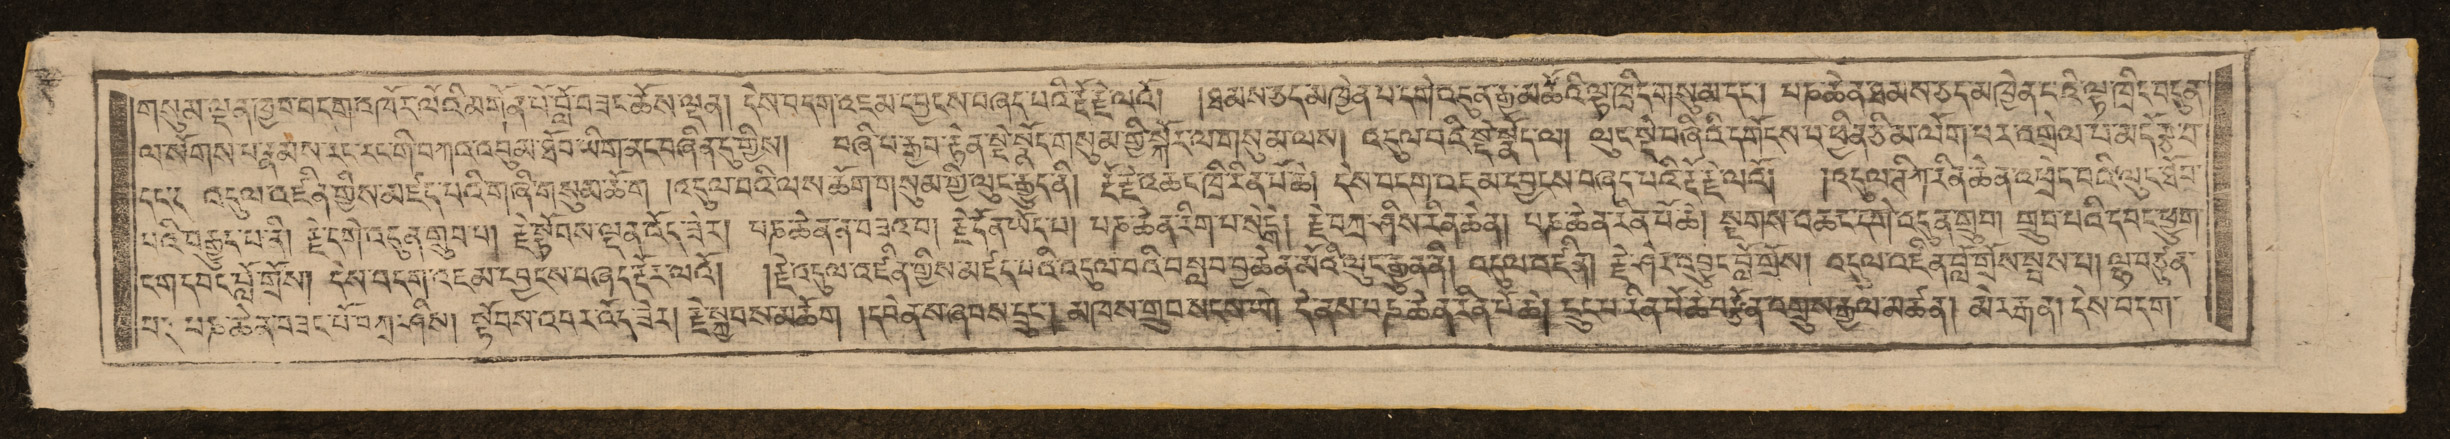གསུམ་ལྡན་ཁྱབ་བདག་འཁོར་ལོའི་མགོན་པོ་བློ་བཟང་ཆོས་ལྡན། དེས་བདག་འཇམ་དབྱངས་བཞད་པའི་རྡོ་རྗེ་ལའོ། །ཐམས་ཅད་མཁྱེན་པ་དགེ་འདུན་རྒྱ་མཚོའི་ལྟ་ཁྲིད་གསུམ་དང་། པཎ་ཆེན་ཐམས་ཅད་མཁྱེན་པའི་ལྟ་ཁྲིད་བདུན་
ལ་སོགས་པ་རྣམས་རང་རང་གི་བཀའ་འབུམ་ཐོབ་ཡིག་ནང་བཞིན་དུ་གྱིས། བཞི་པ་རྒྱ་བ་རྟེན་སྡེ་སྣོད་གསུམ་གྱི་སྐོར་ལ་གསུམ་ལས། འདུལ་བའི་སྡེ་སྣོད་ལ། ལུང་སྡེ་བཞིའི་དགོངས་པ་ཕྱིན་ཅི་མ་ལོག་པར་འགྲེལ་པ་མདོ་རྩ་བ་
དང༑ འདུལ་འཛིན་གྱིས་མཛད་པའི་གཞི་གསུམ་ཆོག །འདུལ་བའི་ལས་ཆོག་གསུམ་གྱི་ལུང་རྒྱུད་ནི། རྡོ་རྗེ་འཆང་ཁྲི་རིན་པོ་ཆེ། དེས་བདག་འཇམ་དབྱངས་བཞད་པའི་རྡོ་རྗེ་ལའོ། །འདུལ་ཊིཀ་རིན་ཆེན་འཕྲེང་བའི་ལུང་ཐོབ་
པའི་བརྒྱུད་པ་ནི། རྗེ་དགེ་འདུན་གྲུབ་པ། རྗེ་སྟོབས་ལྡན་འོད་ཟེར། པཎ་ཆེན་ན་བཟའ་བ། རྗེ་དོན་ཡོད་པ། པཎ་ཆེན་རིག་པ་སེངྒེ། རྗེ་བཀྲ་ཤིས་རིན་ཆེན། པཎ་ཆེན་རིན་པོ་ཆེ། སྔགས་འཆང་དགེ་འདུན་གྲུབ། གྲུབ་པའི་དབང་ཕྱུག་
ངག་དབང་བློ་གྲོས། དེས་བདག་འཇམ་དབྱངས་བཞད་རྡོར་ལའོ། །རྗེ་འདུལ་འཛིན་གྱིས་མཛད་པའི་འདུལ་བའི་བསླབ་བྱ་ཆེན་མོའི་ལུང་རྒྱུན་ནི། འདུལ་འཛིན། རྗེ་ཤེར་འབྱུང་བློ་གྲོས། འདུལ་འཛིན་བློ་གྲོས་སྦས་པ། ལྷ་བཙུན་
པ༑ པཎ་ཆེན་བཟང་པོ་བཀྲ་ཤིས། སྟོབས་འབར་འོད་ཟེར། རྗེ་སྐྱབས་མཆོག །དབེན་ཞབས་དྲུང་། མཁས་གྲུབ་སངས་ཡེ། དེ་ནས་པཎ་ཆེན་རིན་པོ་ཆེ། དྲུང་པ་རིན་པོ་ཆེ་བརྩོན་འགྲུས་རྒྱལ་མཚན། མེར་རྒན། དེས་བདག་